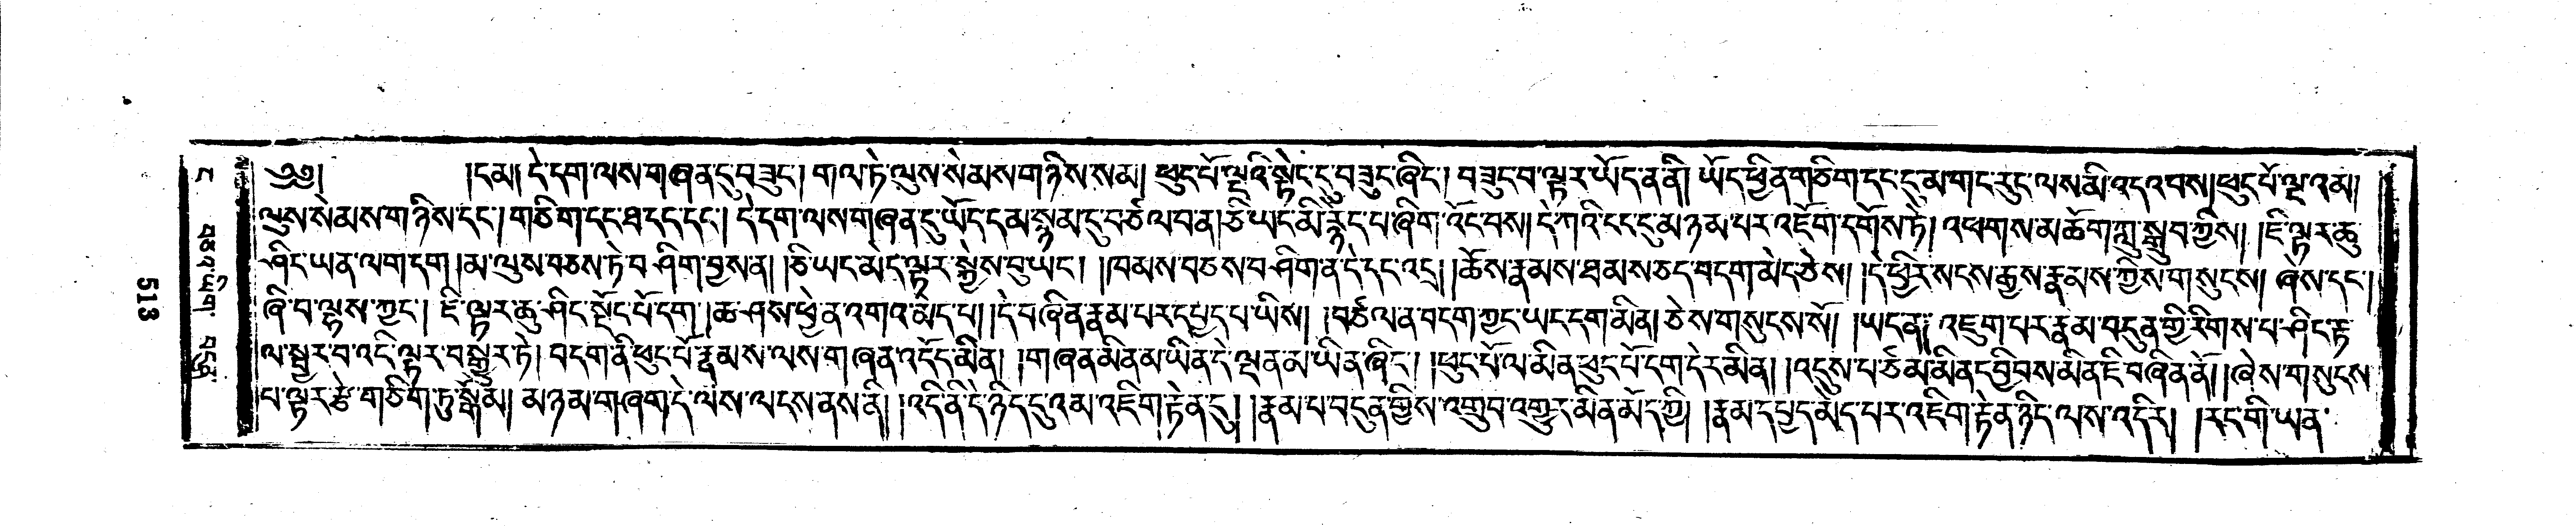༄༅། །ངམ། དེ་དག་ལས་གཞན་དུ་བཟུང་། གལ་ཏེ་ལུས་སེམས་གཉིས་སམ། ཕུང་པོ་ལྔའི་སྟེང་དུ་བཟུང་ཞིང་། བཟུང་བ་ལྟར་ཡོད་ན་ནི། ཡོད་ཕྱིན་གཅིག་དང་དུ་མ་གང་རུང་ལས་མི་འདའ་བས། ཕུང་པོ་ལྔ་འམ།
ལུས་སེམས་གཉིས་དང་། གཅིག་དང་ཐ་དད་དང་། དེ་དག་ལས་གཞན་དུ་ཡོད་དམ་སྙམ་དུ་བཙལ་བ་ན། ཅི་ཡང་མི་རྙེད་པ་ཞིག་འོང་བས། དེ་ཀའི་ངང་དུ་མཉམ་པར་འཇོག་དགོས་ཏེ། འཕགས་མཆོག་ཀླུ་སྒྲུབ་ཀྱིས། །ཇི་ལྟར་ཆུ་
ཤིང་ཡན་ལག་དག །མ་ལུས་བཅས་ཏེ་བཤིག་བྱས་ན། །ཅི་ཡང་མེད་ལྟར་སྐྱེས་བུ་ཡང་། །ཁམས་བཅས་བཤིག་ན་དེ་དང་འདྲ། །ཆོས་རྣམས་ཐམས་ཅད་བདག་མེད་ཅེས། །དེ་ཕྱིར་སངས་རྒྱས་རྣམས་ཀྱིས་གསུངས། ཞེས་དང་།
ཞི་བ་ལྷས་ཀྱང་། ཇི་ལྟར་ཆུ་ཤིང་སྡོང་པོ་དག །ཆ་ཤས་ཕྱེ་ན་འགའ་མེད་པ། །དེ་བཞིན་རྣམ་པར་དཔྱད་པ་ཡིས། །བཙལ་ན་བདག་ཀྱང་ཡང་དག་མིན། ཅེས་གསུངས་སོ། །ཡང་ན༑ འཇུག་པར་རྣམ་བདུན་གྱི་རིགས་པ་ཤིང་རྟ་
ལ་སྦྱར་བ་འདི་ལྟར་བསྒྱུར་ཏེ། བདག་ནི་ཕུང་པོ་རྣམས་ལས་གཞན་འདོད་མིན། །གཞན་མིན་མ་ཡིན་དེ་ལྡན་མ་ཡིན་ཞིང་། །ཕུང་པོ་ལ་མིན་ཕུང་པོ་དག་དེར་མིན། །འདུས་པ་ཙམ་མིན་དབྱིབས་མིན་ཇི་བཞིན་ནོ། །ཞེས་གསུངས་
པ་ལྟར་རྩེ་གཅིག་ཏུ་སྒོམ། མཉམ་གཞག་དེ་ལས་ལངས་ནས་ནི། །འདི་ནི་དེ་ཉིད་དུ་འམ་འཇིག་རྟེན་དུ། །རྣམ་པ་བདུན་གྱིས་འགྲུབ་འགྱུར་མིན་མོད་ཀྱི། །རྣམ་དཔྱད་མེད་པར་འཇིག་རྟེན་ཉིད་ལས་འདིར། །རང་གི་ཡན་